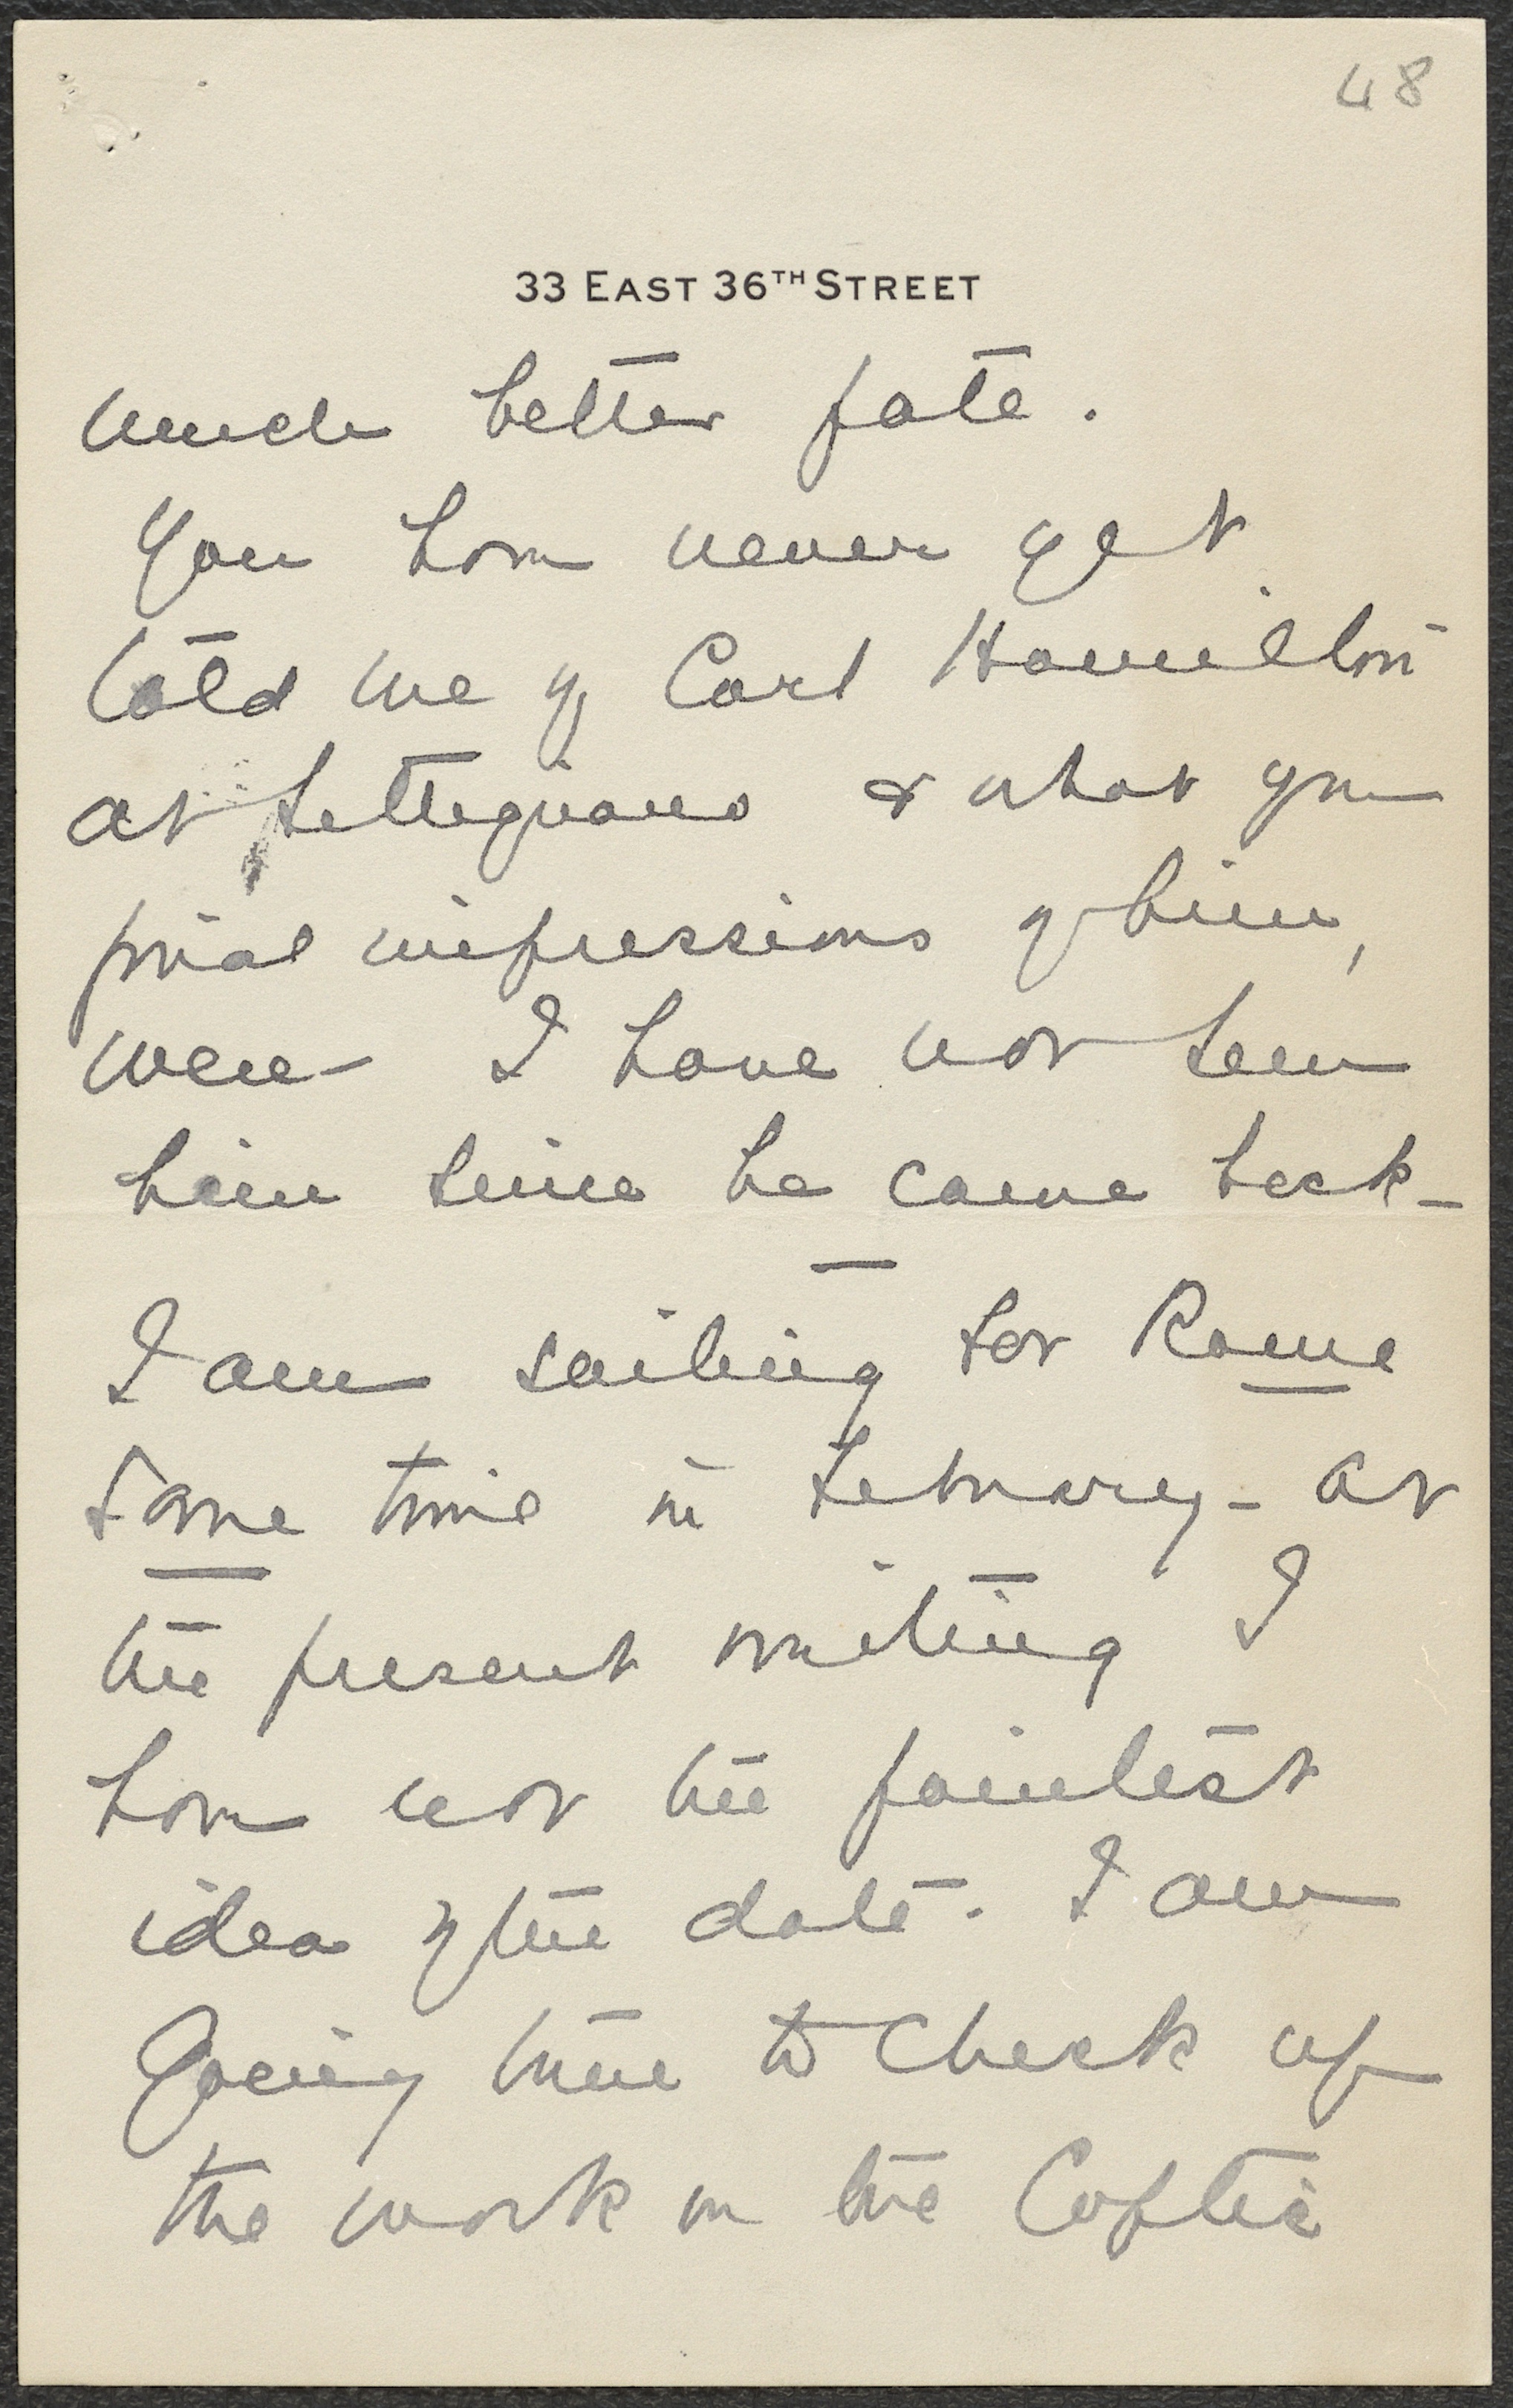much better fate.
You have never yet told me of Carl Hamilton at Settignano & what your final impressions of him were – I have not seen him since he came back –
—
I am sailing for Rome some time in February – at the present writing I have not the faintest idea of the date. I am going there to check up the work on the Coptic